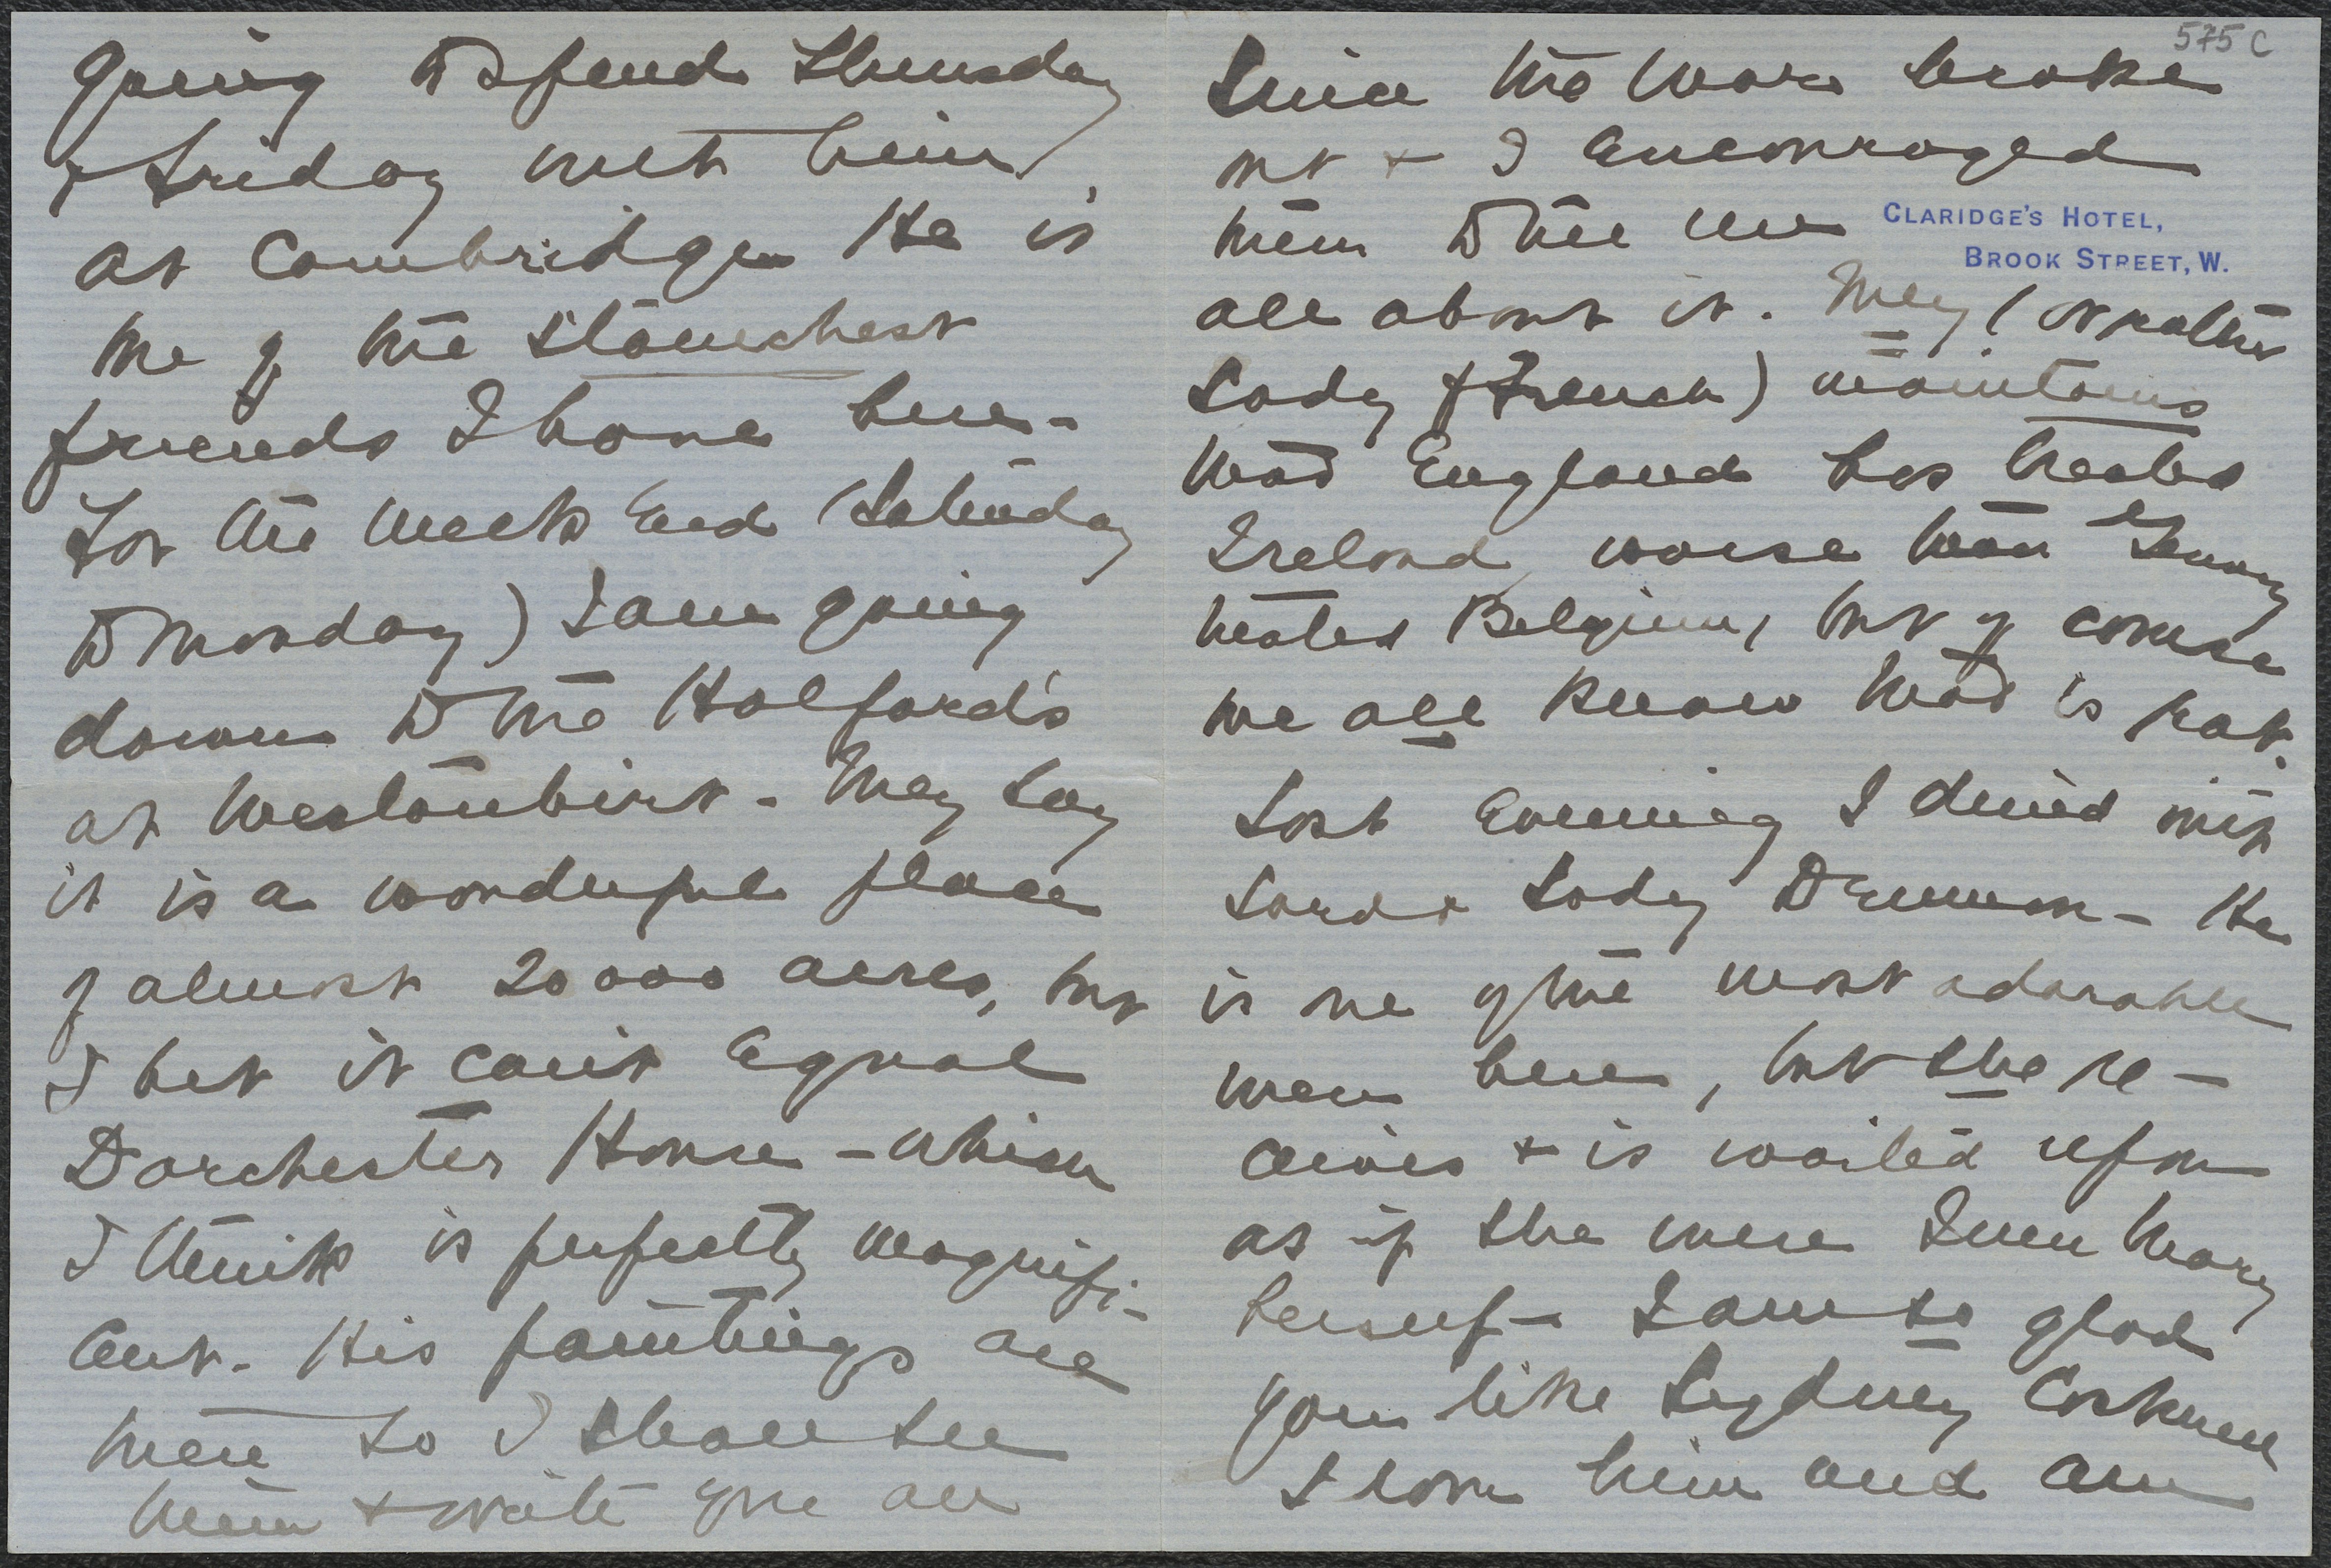since the word broke out & I encouraged them to tell me all about it. [double underlined: They] (or rather Lady of French) maintains that England has treated Ireland worse than Germany treated Belgium, but of course we all know that is rot.
Last evening I dined with Lord & Lady Denman – He is one of the most adorable men here, but she receives & is waited upon as if she were Queen Mary herself – I am so glad you like Sydney Cockerell I love him and am
going to spend Thursday & Friday with him at Cambridge He is one of the staunchest friends I have here – For the week end (Saturday to Monday) I am going down to the Holford’s at Westonbirt – They say it is a wonderful place of almost 20,000 acres, but I bet it can’t equal Dorchester House – which I think is perfectly magnificent – His paintings are there so I shall see them & write you all